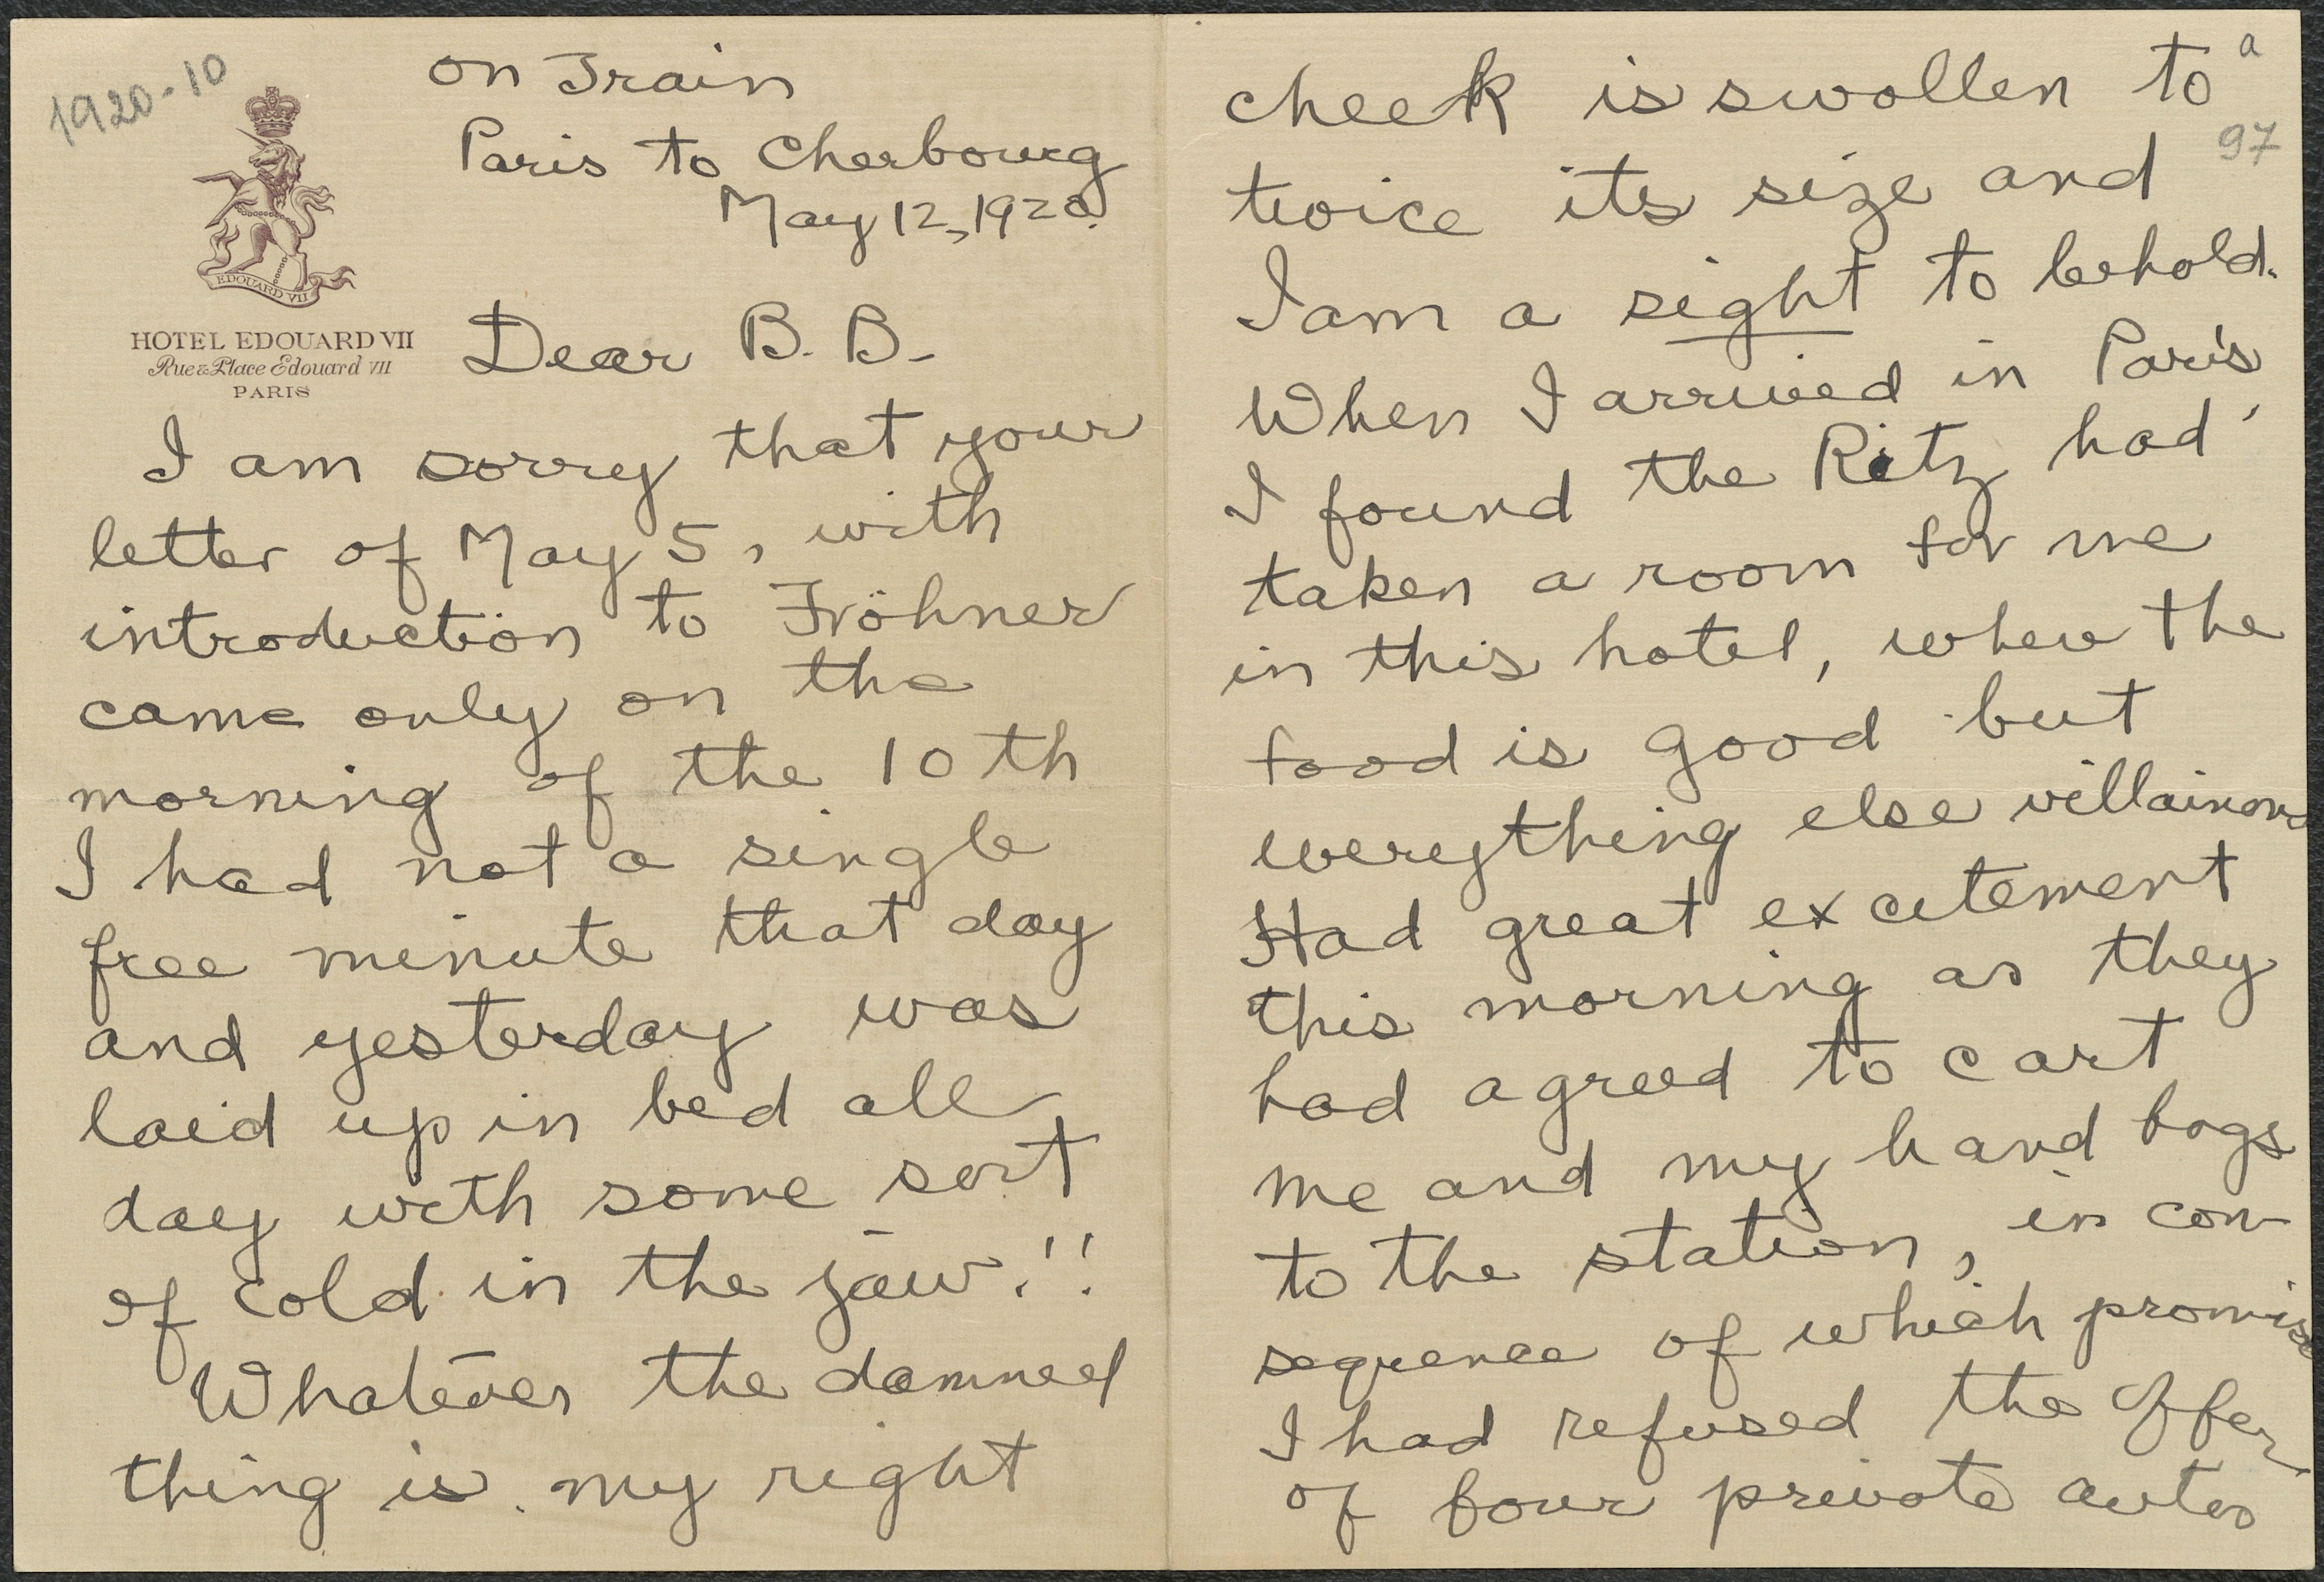On Train
Paris to Cherbourg
May 12, 1920,
Dear B.B –
I am sorry that your letter of May 5, with introduction to Fröhner came only on the morning of the 10th I had not a single free minute that day and yesterday was laid up in bed all day with some sort of cold in the jaw!!
Whatever the damned thing is, my right
cheek is swollen to twice its size and I am a sight to behold. When I arrived in Paris, I found the Ritz had taken a room for me in this hotel, where the food is good but everything else villainous. Had great excitement this morning as they agreed to cart me and my hand bags to the station, in consequence of which promise I had refused the offer of four private autos